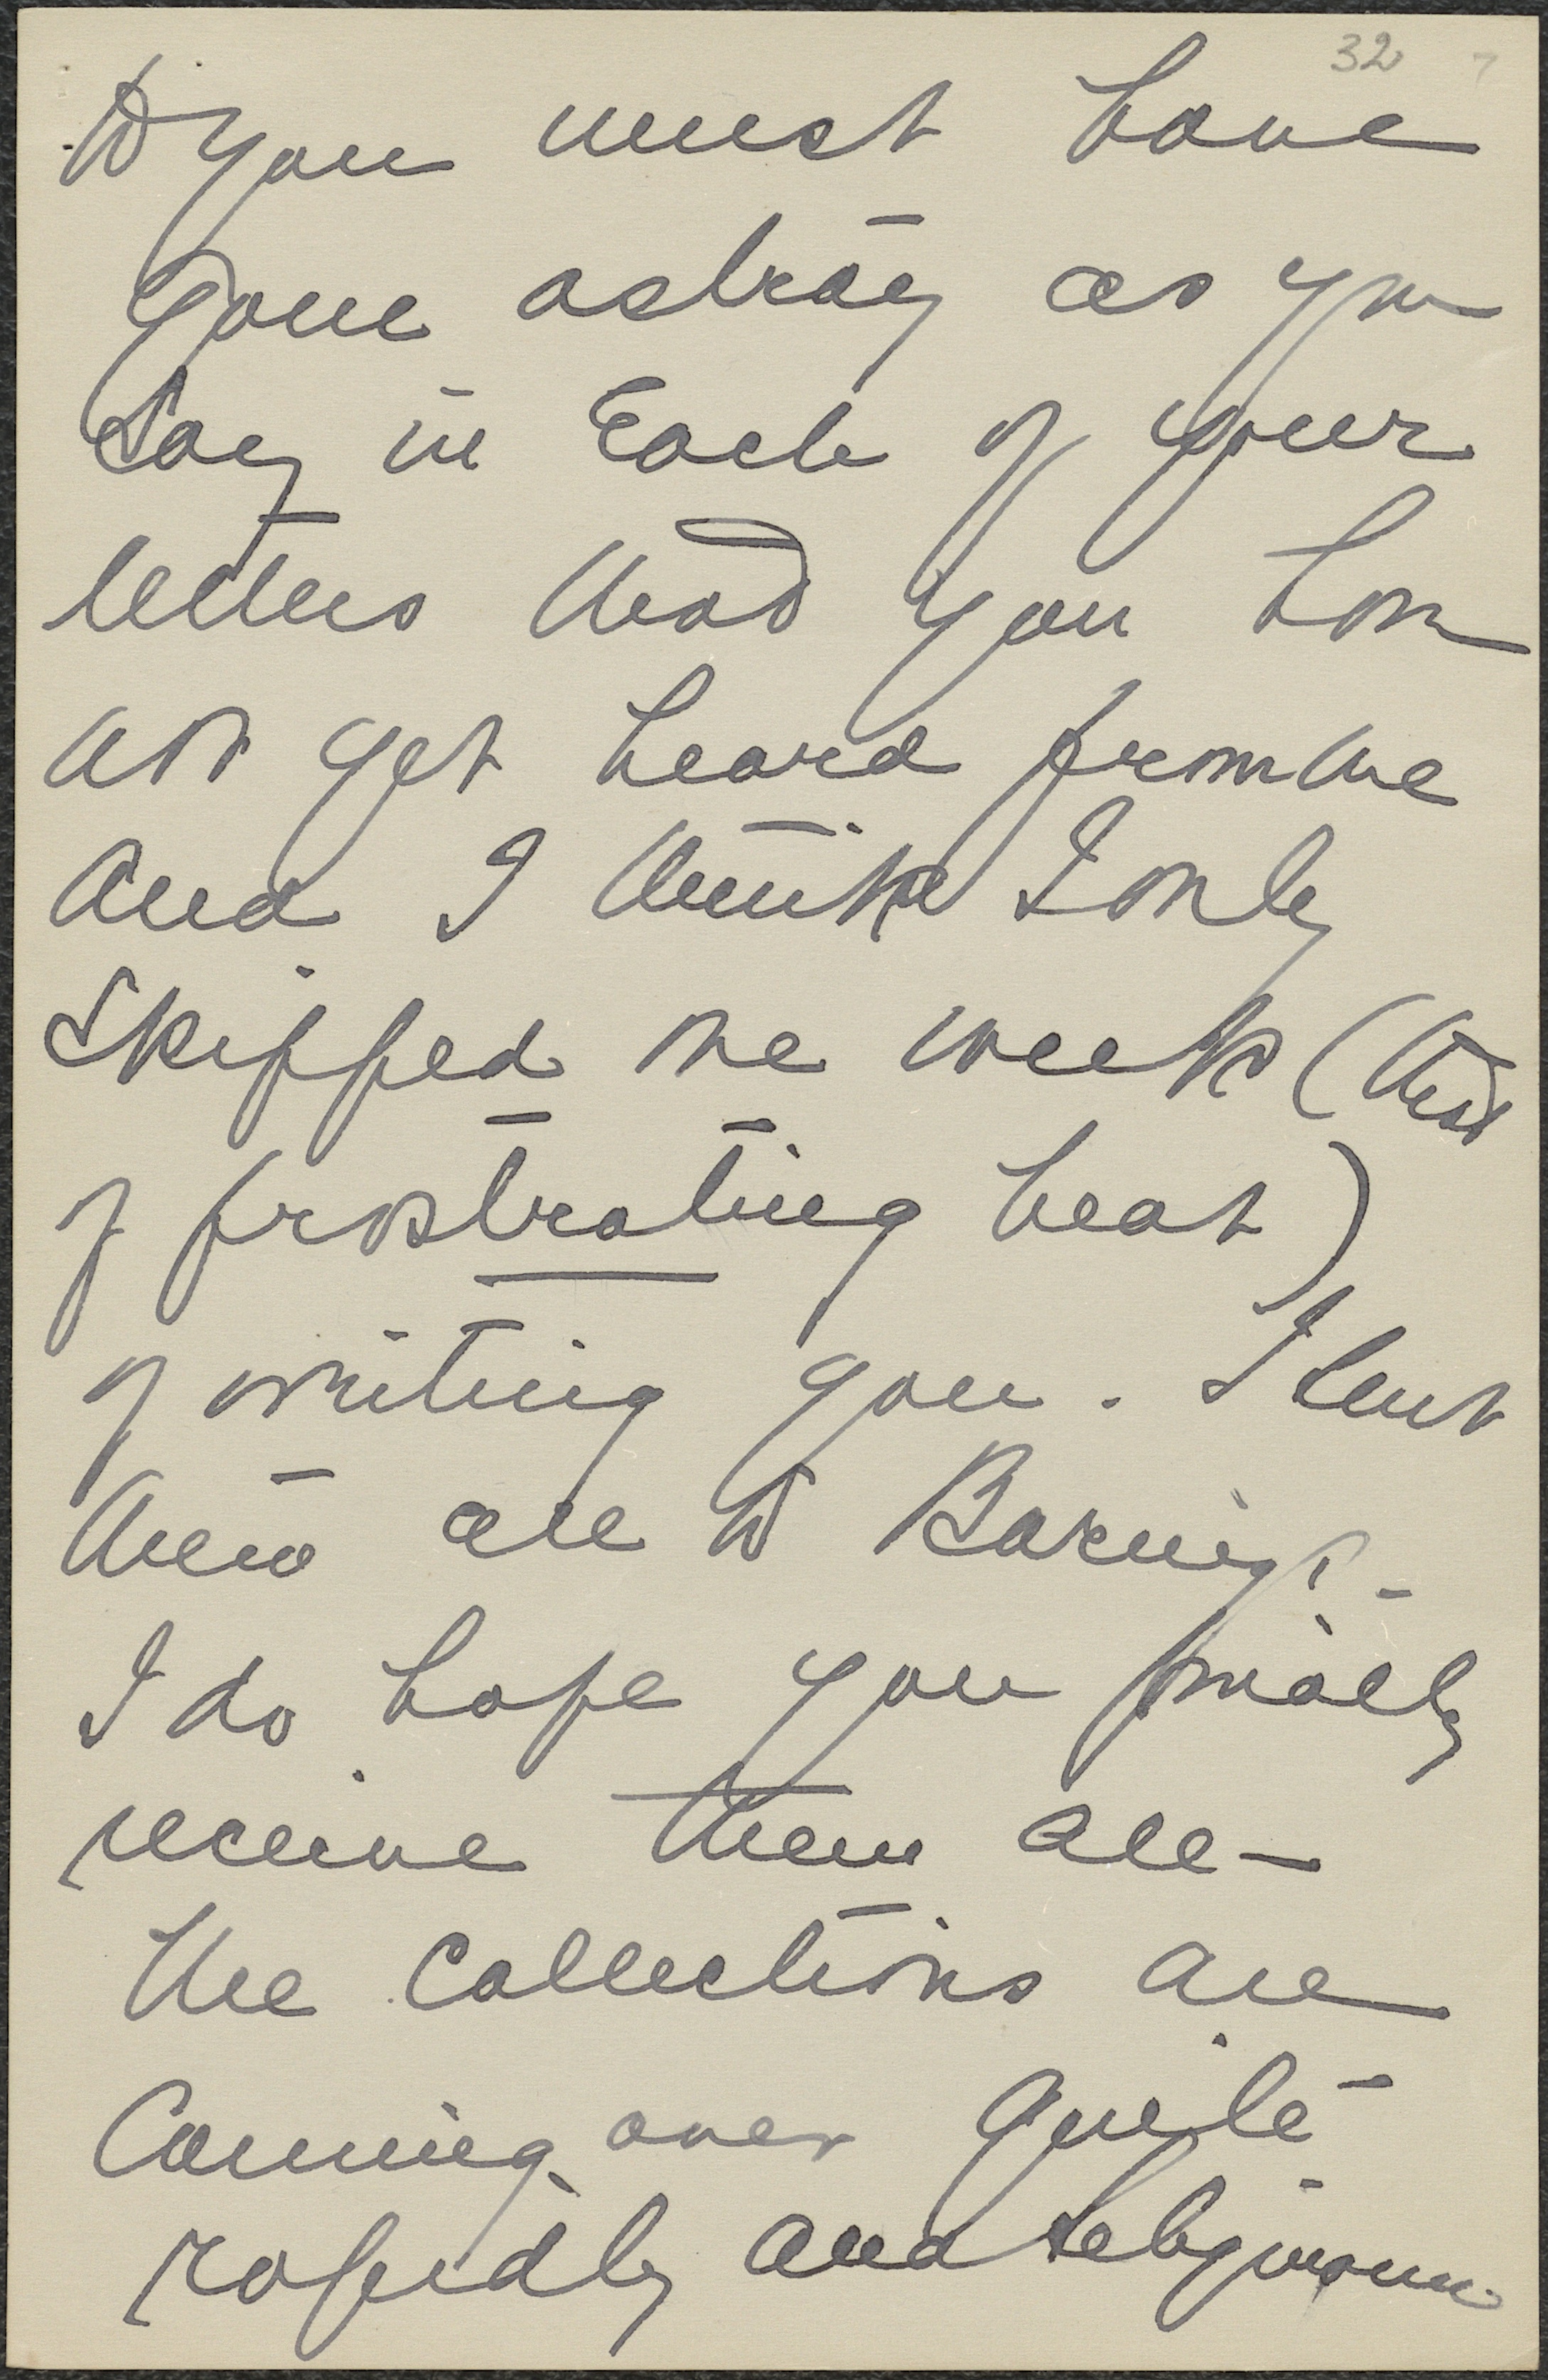to you must have gone astray as you say in each of your letters that you have not yet heard from me and I think I only skipped one week (that of prostrating heat) of writing you. I sent them all to Baring – I do hope you finally receive them all – The collections are coming over quite rapidly and Seligmann